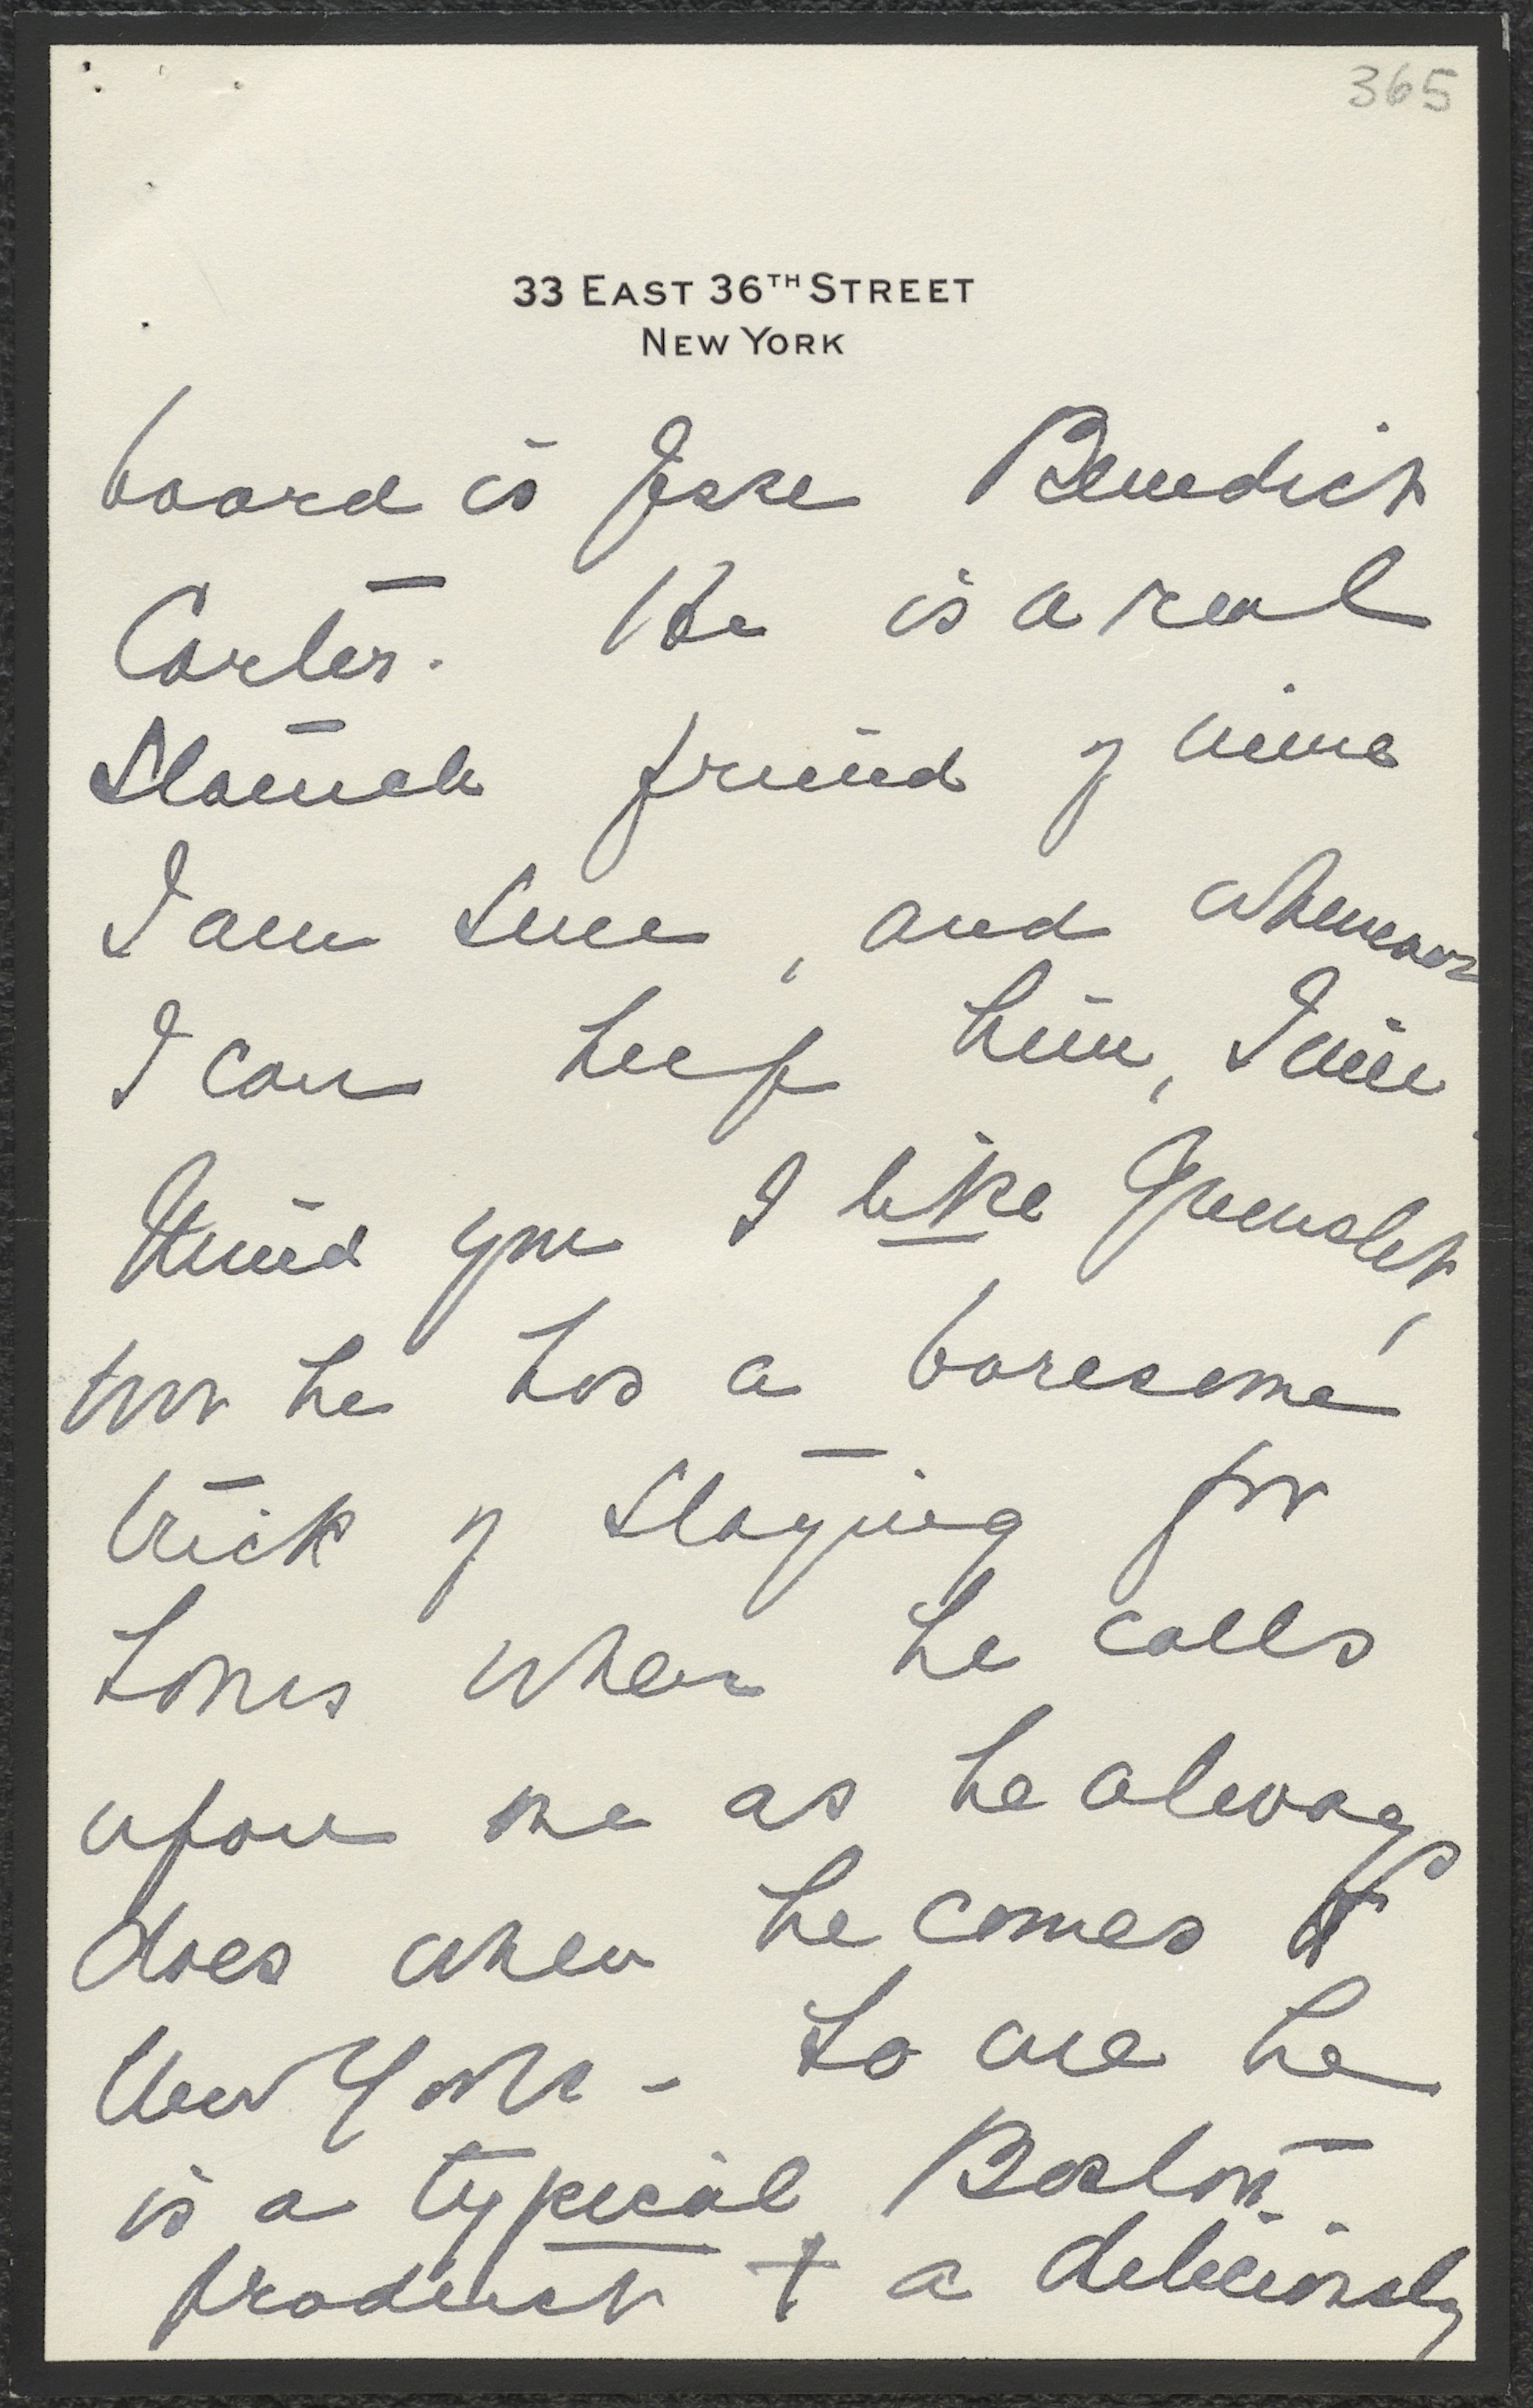board is Jesse Benedict Carter. He is a real staunch friend of mine I am sure, and whenever I can help him, I will.
Mind you I like Greenslet, but he has a boresome trick of staying for hours when he calls upon me as he always does when he comes to New York – To me he is a typical Boston product & a deliciously